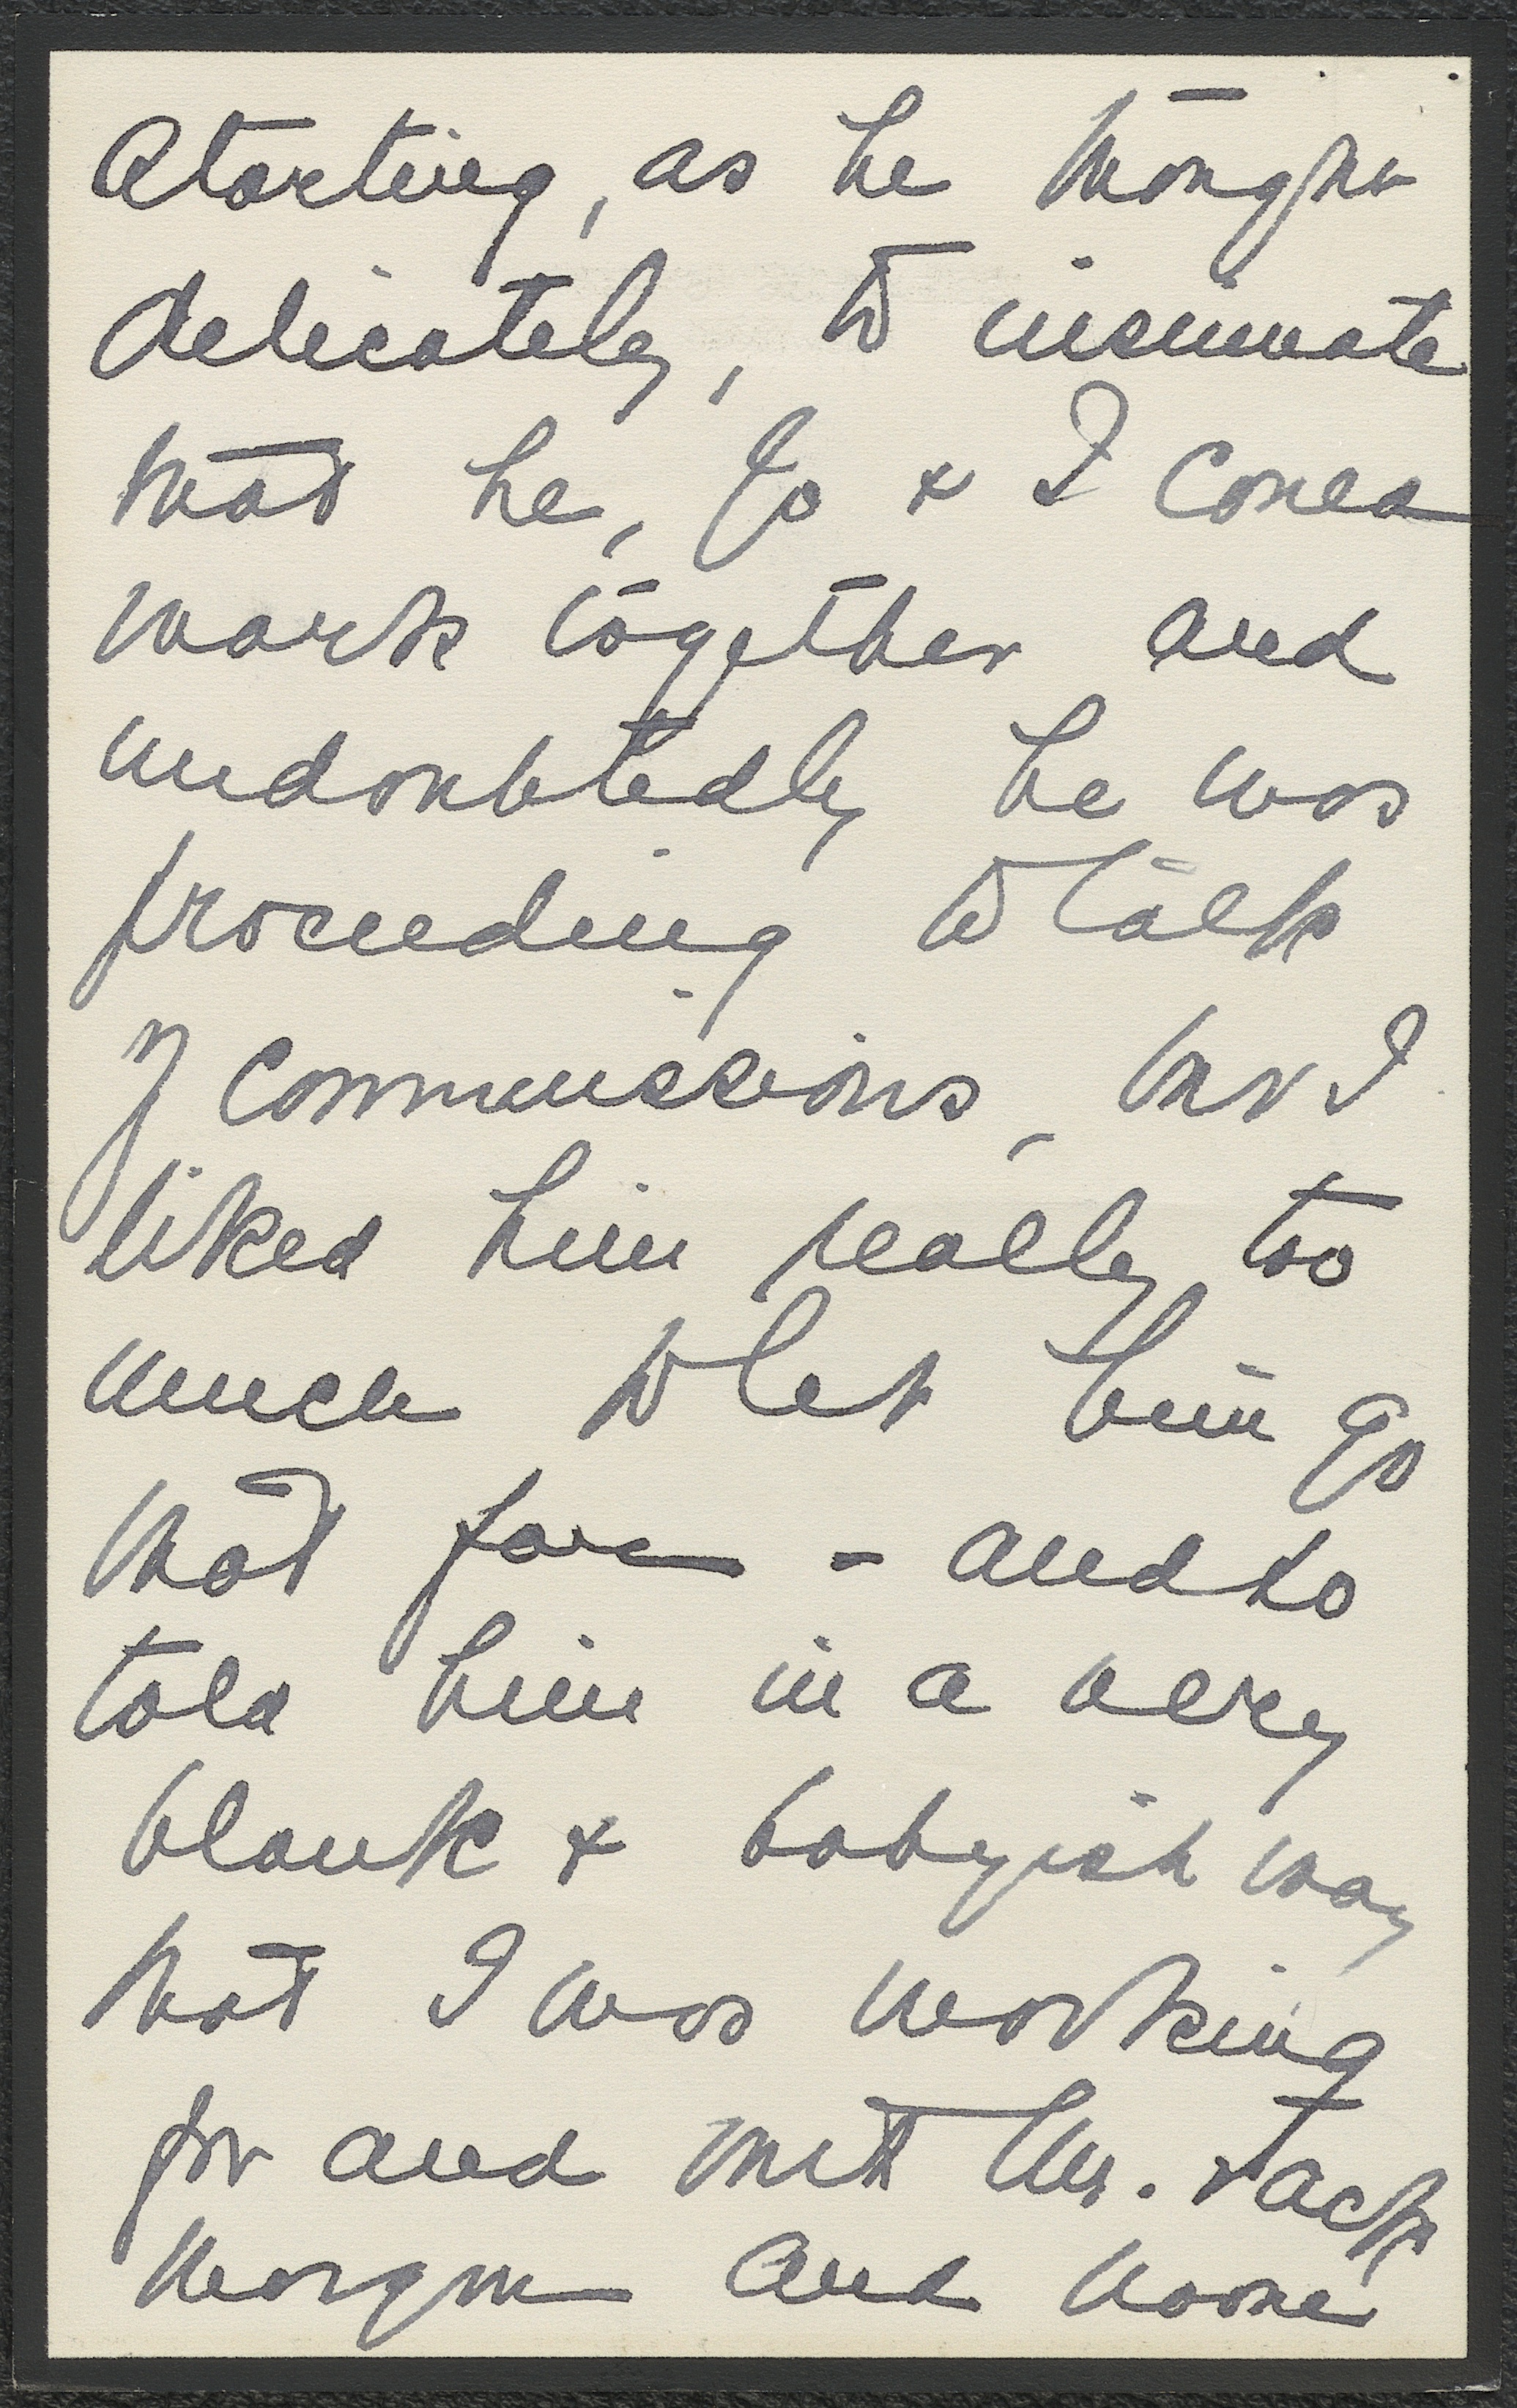starting, as he thought delicately, to insinuate that he, Jo & I could work together, and undoubtedly be was proceeding to talk of commissions, but I liked him really too much to let him go that far – and so told him in a very blank & babyish way that I was working for and with Mr. Jack Morgan and noone